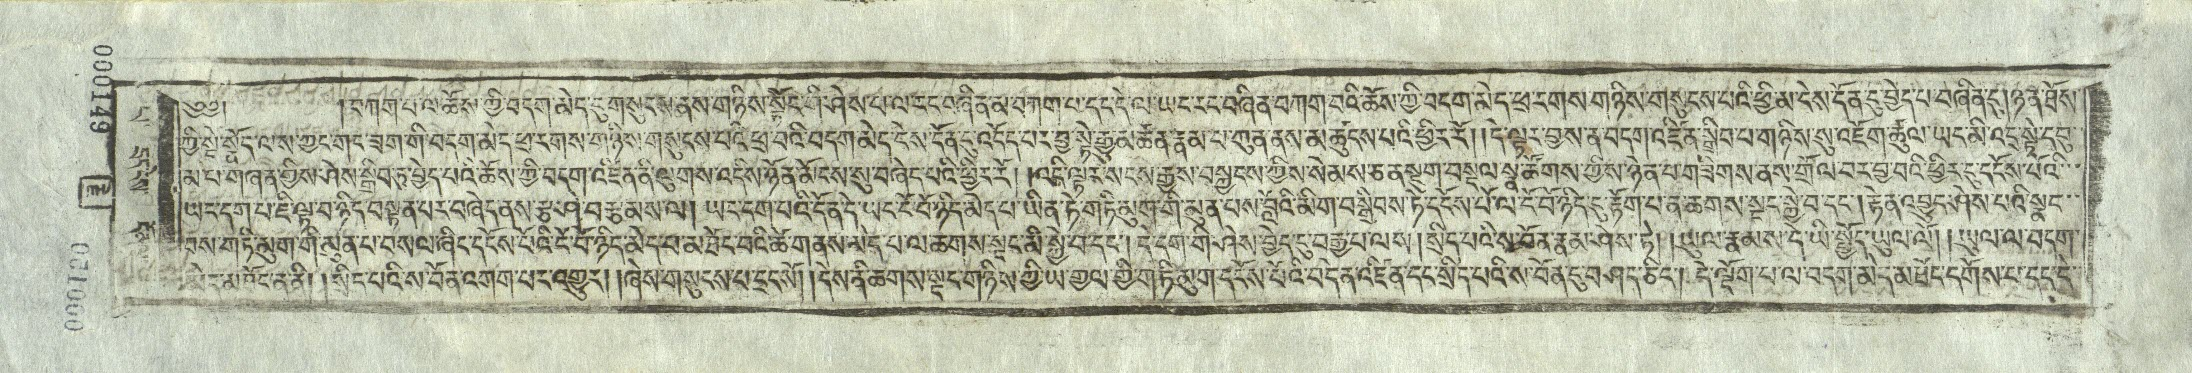༄༅། །བཀག་པ་ལ་ཆོས་ཀྱི་བདག་མེད་དུ་གསུངས་ནས་གཉིས་སྟོང་གི་ཤེས་པ་ལ་རང་བཞིན་མ་བཀག་པ་དང་དེ་ལ་ཡང་རང་བཞིན་བཀག་པའི་ཆས་ཀྱི་བདག་མེད་ཕྲ་རགས་གཉིས་གསུངས་པའི་ཕྱི་མ་ངེས་དོན་དུ་བྱེད་པ་བཞིན་དུ། ཉན་ཐོས་
ཀྱི་སྡེ་སྣོད་ལས་ཀྱང་གང་ཟག་གི་བདག་མེད་ཕྲ་རགས་གཉིས་གསུངས་པའི་ཕྲ་བའི་བདག་མེད་ངེས་དོན་དུ་འདོད་པར་བྱ་སྟེ་རྒྱུ་མཚན་རྣམ་པ་ཀུན་ནས་མཚུངས་པའི་ཕྱིར་རོ། །དེ་ལྟར་བྱས་ན་བདག་འཛིན་སྒྲིབ་པ་གཉིས་སུ་འཇོག་ཚུལ་ཡང་མི་འདྲ་སྟེ་དབུ་
མ་པ་གཞན་གྱིས་ཤེས་སྒྲིབ་ཏུ་བྱེད་པའི་ཆོས་ཀྱི་བདག་འཛིན་ནི་ལུགས་འདིས་ཉོན་མོངས་སུ་བཞེད་པའི་ཕྱིར་རོ། །འདི་ལྟར་སངས་རྒྱས་བསྐྱངས་ཀྱིས་སེམས་ཅན་སྡུག་བསྔལ་སྣ་ཚོགས་ཀྱིས་ཉེན་པ་གཟིགས་ནས་གྲོལ་བར་བྱ་བའི་ཕྱིར་དུ་དངོས་པོའི་
ཡང་དག་པ་ཇི་ལྟ་བ་ཉིད་བསྟན་པར་བཞེད་ནས་རྩ་ཤེ་བརྩམས་ལ། ཡང་དག་པའི་དོན་དེ་ཡང་ངོ་བོ་ཉིད་མེད་པ་ཡིན་ཏེ་གཏི་མུག་གི་མུན་པས་བློའི་མིག་བསྒྲིབས་ཏེ་དངོས་པོ་ལ་ངོ་བོ་ཉིད་དུ་རྟོག་པ་ན་ཆགས་སྡང་སྐྱེ་བ་དང་། རྟེན་འབྱུང་ཤེས་པའི་སྣང་
བས་གཏི་མུག་གི་མུན་པ་བསལ་ཞིང་དངོས་པོའི་ངོ་བོ་ཉིད་མེད་པ་མཐོང་བའི་ཚེ་གནས་མེད་པ་ལ་ཆགས་སྡང་མི་སྐྱེ་བ་དང་། དེ་དག་གི་ཤེས་བྱེད་དུ་བརྒྱ་པ་ལས། སྲིད་པའི་ས་བོན་རྣམ་ཤེས་ཏེ། །ཡུལ་རྣམས་དེ་ཡི་སྤྱོད་ཡུལ་ལོ། །ཡུལ་ལ་བདག་
མེད་མཐོང་ན་ནི། །སྲིད་པའི་ས་བོན་འགག་པར་འགྱུར། །ཞེས་གསུངས་པ་དྲངས་སོ། །དེས་ནི་ཆགས་སྡང་གཉིས་ཀྱི་ཡ་གྱལ་གྱི་གཏི་མུག་དངོས་པོའི་བདེན་འཛིན་དང་སྲིད་པའི་ས་བོན་དུ་བཤད་ཅིང་། དེ་ལྡོག་པ་ལ་བདག་མེད་མཐོང་དགོས་པ་དང་དེ་